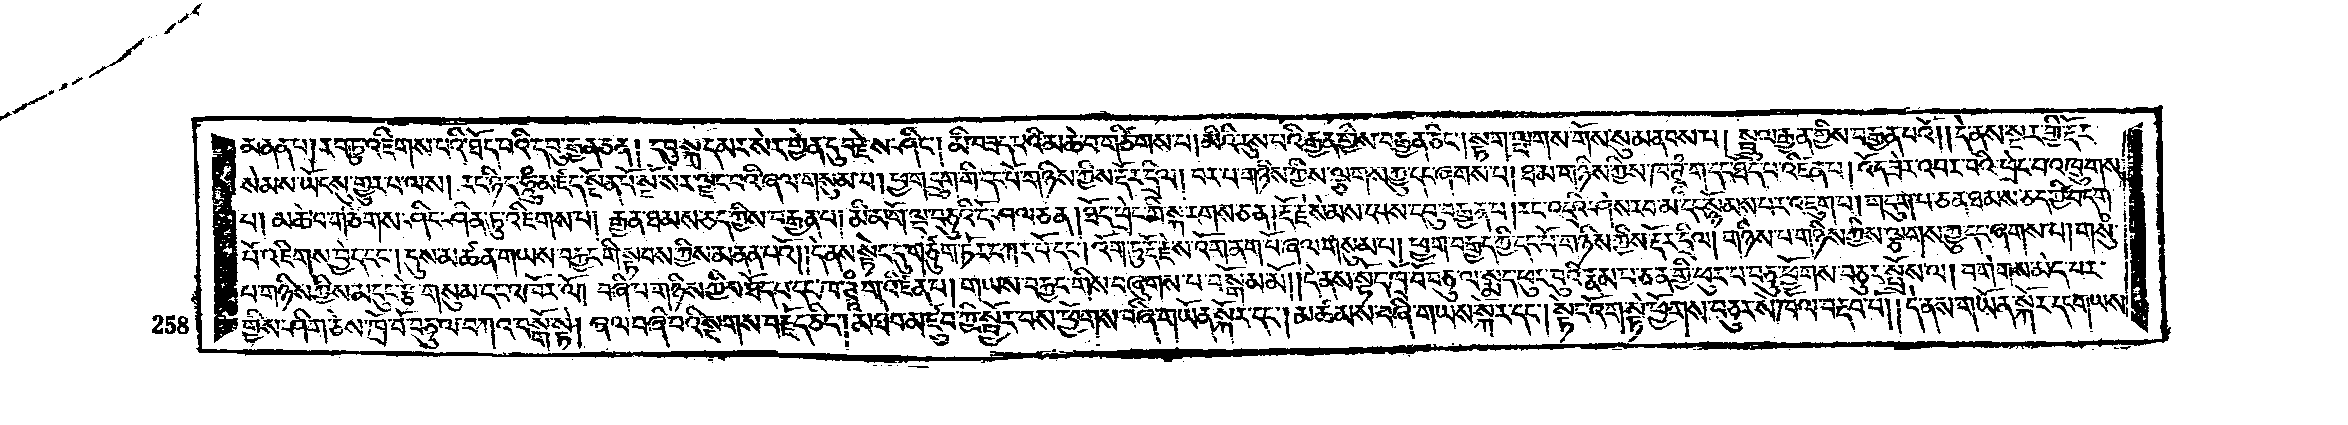མྮན་པ། རབ་ཏུ་འཇིགས་པའི་ཐོད་པའི་དབུ་རྒྱན་ཅན། དབ་སྐྲ་དམར་སེར་གྱེན་དུ་བརྗེས་ཤིང་། མི་བཟད་པའི་མཆེ་བ་གཙིགས་པ། མིའི་རུས་པའི་རྒྱན་གྱིས་བརྒྱན་ཅིང་། སྟག་ལྤགས་གོས་སུ་མནབས་པ། སྦྲུལ་རྒྱན་གྱིས་བརྒྱན་པའོ། །དེ་ནས་སྔར་གྱི་རྡོར་
ཨེམས་ཡོངས་སུ་གྱུར་པ་ལས། རང་ཉིད་ཧཱུཾ་མཛད་སྔོན་པོ་སྔོ་སེར་ལྗང་བའི་ཞལ་གསུམ་པ། ཕྱག་དྲུག་གི་དང་པོ་གཉིས་ཀྱིས་རྡོར་དྲིལ། བར་པ་གཉིས་ཀྱིས་ལྕགས་ཀྱུ་དང་ཞགས་པ། ཐ་མ་གཉིས་ཀྱིས་ཁ་ཊཝའཾ་ག་དང་ཐོད་པ་འཛིན་པ། འོད་ཟེར་འབར་བའི་ཕྲེང་བ་འཁྲུགས་
པ། མ་རེ་བ་གཙིགས་ཤིང་ཤིན་ཏུ་འཇིགས་པ། རྒྱན་ཐམས་ཅད་ཀྱིས་བརྒྱན་པ། མི་མགོ་ལྔ་བཅུའི་དོ་ཤལ་ཅན། ཐོད་ཕྲེང་གི་སྐེ་རགས་ཅན། རྡོ་རྗེ་སེམས་དཔས་དབུ་བརྒྱན་པ། རང་འདྲའི་ཤེས་རབ་མ་དང་སྙོམས་པར་འཇུག་པ། གདུག་པ་ཅན་ཐམས་ཅད་ཀྱི་བདག་
པོ་འཇིགས་བྱེད་དང་། དུས་མཚན་གཡས་བརྐྱང་གི་སྟབས་ཀྱིས་མནན་པའོ། །དེ་ནས་སྟེང་དུ་གཙུག་ཏོར་དཀར་པོ་དང་། འོག་ཏུ་རྡོ་རྗེ་ས་འོག་ནག་པོ་ཞལ་གསུམ་པ། ཕྱག་བརྒྱད་ཀྱི་དང་པོ་གཉིས་ཀྱིས་རྡོར་དྲིལ། གཉིས་པ་གཉིས་ཀྱིས་ལྕགས་ཀྱུ་དང་ཞགས་པ། གསུཾ་
པ་གཉིས་ཀྱིས་མདུང་རྩེ་གསུམ་དང་འཁོར་ལོ། བཞི་པ་གཉིས་ཀྱིས་ཐོད་པ་དང་ཁ་ཊྭཱཾ་ག་འཛིན་པ། གཡས་བརྐྱང་གིས་བཞུགས་པ་བསྒོམ་མོ། །དེ་ནས་སྟོད་ཁྲོ་བོ་བཅུ་ལ་སྨད་ཕུར་བུའི་རྣམ་པ་ཅན་གྱི་ཕུར་པ་བཅུ་ཕྱོགས་བཅུར་སྤྲོས་ལ། བགེགས་མེད་པར་
གྱིས་ཤིག་ཅེས་ཁྲོ་བོ་བཅུ་ལ་བཀའ་བསྒོ་སྟེ། ཞལ་བཞི་པའི་སྔགས་བརྗོད་ཅིང་། མཐེབ་མཛུབ་ཀྱི་སྦྱོར་བས་ཕྱོགས་བཞི་གཡོན་སྐོར་དང་། མཚམས་བཞི་གཡས་སྐོར་དང་། སྟེང་འོག་སྟེ་ཕྱོགས་བཅུར་ས་ཁོལ་བརྡབ་པོ། །དེ་ནས་གཡོན་སྐོར་དང་གཡས་